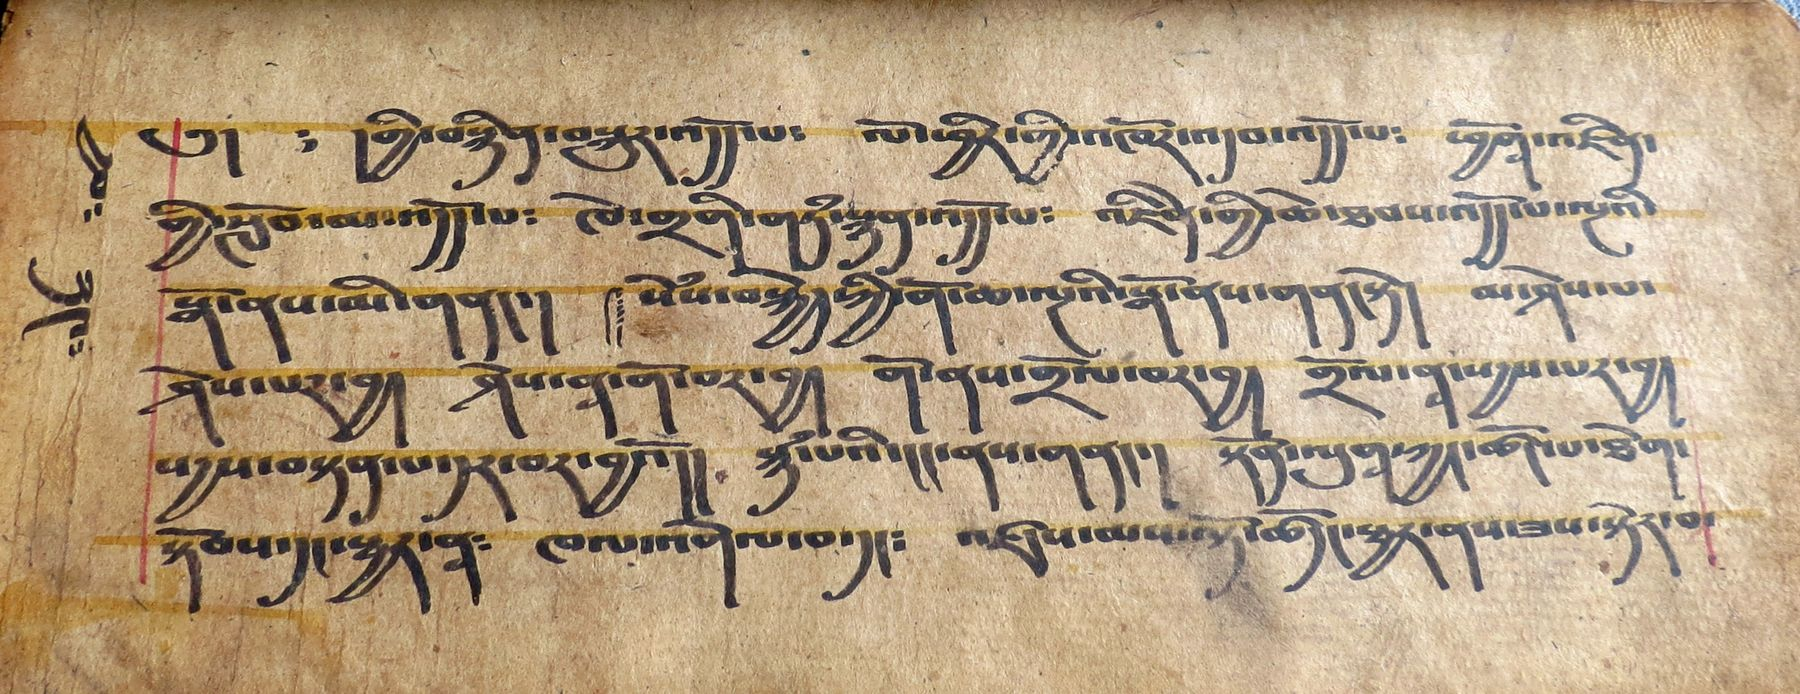གྱི་བསྙེན་བཀུར་འདོད་པ། ལོ་ཕྱིར་གྱི་འཁོར་འདབ་འདོད་པ། ཕྱོགས་འཛིན་
གྱི་སློབ་མ་འདོད་པ། ཁེ་གྲགས་ཀྱི་གཏམ་སྙན་འདོད་པ། འཇིག་རྟེན་གྱི་ཆེ་ཐབས་འདོད་པ་ལྔའི་
སྒོ་ནས་མི་གནང་། སེམས་བསྐྱེད་ཀྱི་གོ་ཆ་ལྔའི་སྒོ་ནས་གནང་སྟེ། མ་ཤེས་པ་
ཤེས་པར་བྱ། ཤེས་ནས་ཀྱང་གོ་བར་བྱ། གོ་ནས་ཀྱང་བགྲོལ་བར་བྱ། གྲོལ་ནས་སངས་རྒྱས་པར་བྱ། 
སངས་རྒྱས་ནས་བསྟན་པ་དར་བར་བྱའོ། སྙམ་པའི་ངང་ནས་གནང་། སྟོན་ལུགས་ཀྱང་ཚོང་པས་ཐེག་
སྟོབས་དང་སྦྱར་ནས། ཁལ་འགེལ་བ་དང་། མཛངས་མས་ལྟོ་ཚོད་དང་སྦྱར་ནས་ཟས་སྟེར་བ་